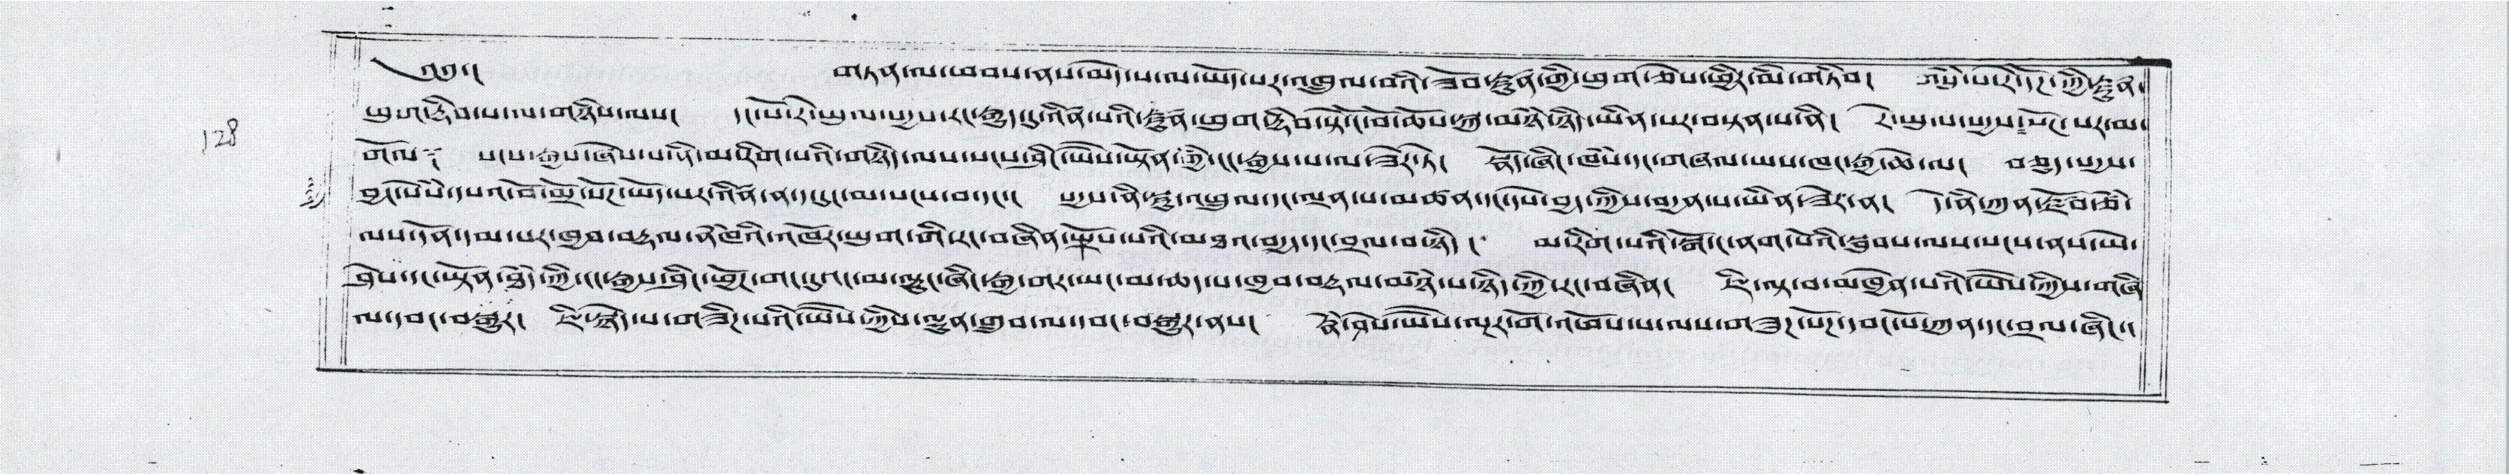གཏན་ལ་ཕབ་ནས་མེད་པ་ལ་ཡོད་པར་འཁྲུལ་པའི་ཟོབ་རྫུན་གྱི་ཕུག་ཅིའི་ཕྱིར་མི་གཏིབ། གསུམ་པ་རེ་དྭོགས་ཀྱི་རྫུན་
ཕུག་རྡིབ་པ་ལ་གཉིས་ལས། དང་པོ་རེ་ཡུལ་སངས་རྒྱས་རང་རྒྱུད་དུ་འཛིན་པའི་རྫུན་ཕུག་རྡིབ་སྟེ་ངོ་བོ་ཆོས་སྐུ་མཉམ་ཉིད་ཡིན་པར་བསྟན་པ་ནི། རེ་ཡུལ་སངས་རྒྱས་སོགས། པར་མ་
གོལ། སངས་རྒྱས་ཞེས་པ་ནི་མ་རིག་པའི་གཉིད་ལས་སངས་ཤིང་ཡེ་ཤེས་ཡོན་ཏན་གྱི་ངང་རྒྱས་པ་ལ་ཟེར་ཏེ། སྣོད་ཞིང་ཁམས་དང་གཞལ་ཡས་ཁང་རྒྱ་ཆེ་ལ། བཅུད་སངས་རྒྱས་
བྱང་སེམས་དཔའ་བོ་མཁའ་འགྲོ་སོགས་ཡོད་པར་འཛིན་ན་ད་དུང་མ་སངས་བ་དང་། སངས་རྒྱས་ནི་རྫུ་འཕྲུལ་དང་ལྡན་པ་མཚན་དང་དཔེ་བྱད་ལྡན་པ་ཡིན་ཟེར་ན་དེ་ནི་ཀུན་རྫོབ་ཙམ་
ལས་དོན་དམ་པ་ཁྱབ་བརྡལ་ནམ་མཁའི་ཁོར་ཡུག་གི་རང་བཞིན་སྤྲོས་པའི་མཐའ་བརྒྱད་དང་བྲལ་བ་ཉིད། མ་རིག་པའི་སྒོང་ང་ནག་པོའི་སྦུབས་ལས་སངས་ནས་ཡེ་
ཤེས་དང་ཡོན་ཏན་ཐམས་ཅད་ཀྱི་ངང་རྒྱས་ཤིང་ཕྱོགས་གང་དུའང་མ་ལྷུང་ཤིང་རྒྱ་གར་ཡང་མ་ཆད་པ་ཁྱབ་བརྡལ་མཉམ་པ་ཉིད་ཀྱི་རང་བཞིན། ཇི་ལྟ་བ་མཁྱེན་པའི་ཡེ་ཤེས་ཀྱིས་གཞི་
ལ་དབང་བསྒྱུར། ཇི་སྙེད་པ་གཟིགས་པའི་ཡེ་ཤེས་ཀྱིས་ལྷུན་གྲུབ་ལ་དབང་བསྒྱུར་ནས་རྣམ་ཤེས་ཡེ་ཤེས་ལྔར་གོ་འཕོས་པ་ལས་གཟུགས་སོགས་དབང་པོ་ཀུན་དང་བྲལ་ཞིང་།